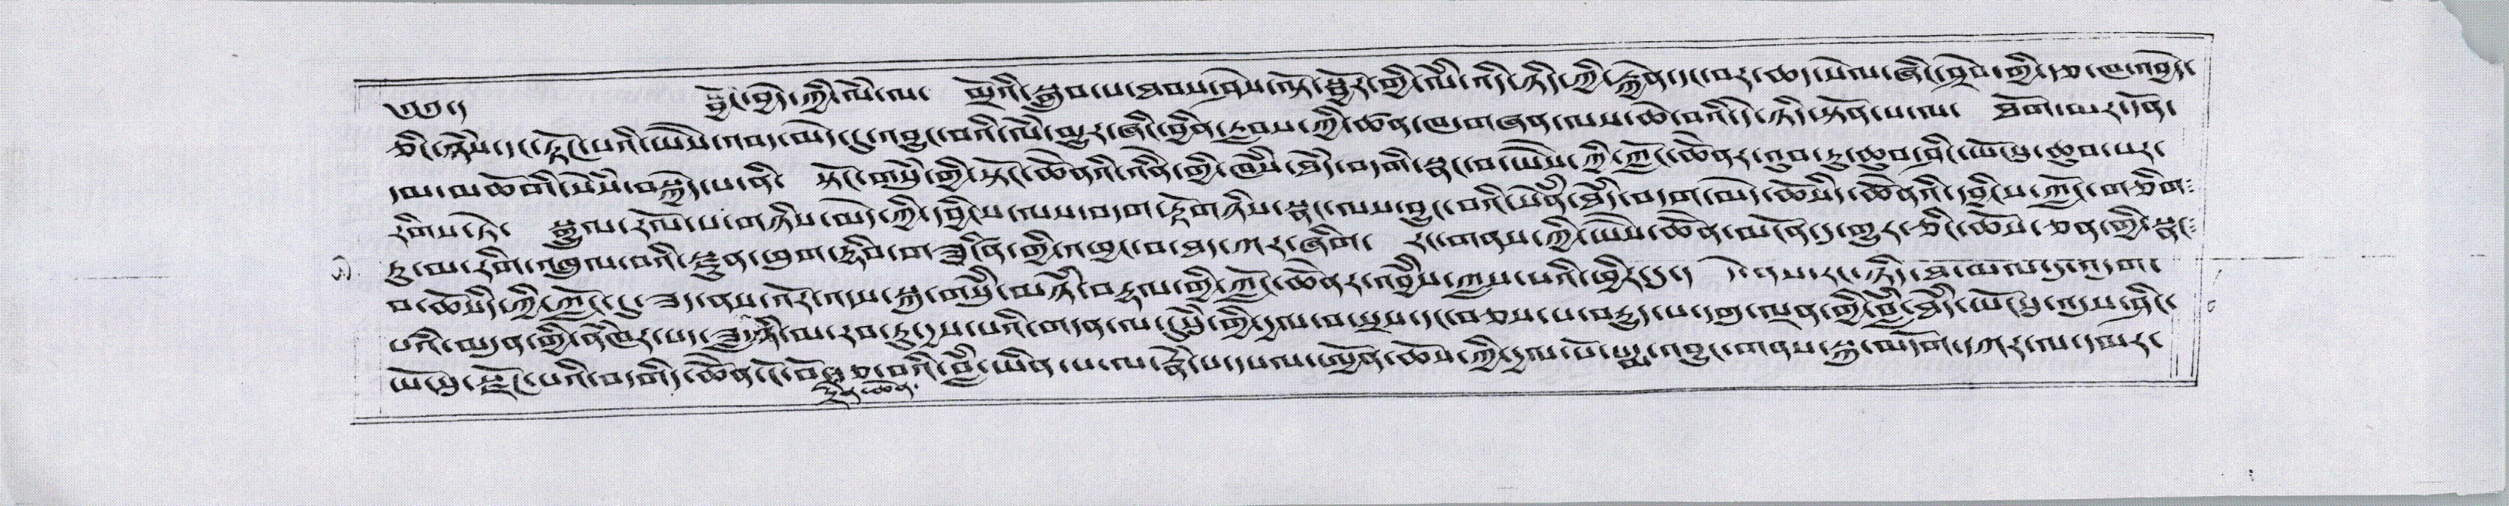སྦྱོང་བྱེད་ཀྱི་ལམ་ལ། མཁའ་འགྲོའི་སྒྲུབ་པ་ཐབས་ཤེས་ལྟོ་སྦྱོར་གྱི་ལམ་འདི་ཉིད་ཀྱི་རྐྱེན་དང་བར་ཆོད་སེལ་ཞིང་། ཤེས་རབ་ཀྱི་རྩ་ཀ་འབྱེད་
ཅིང་ཉམས་དང་རྟོགས་པའི་ཡེ་ཤེས་འབད་མེད་དུ་འབྱུང་བའི་ལམ་མྱུར་ཞིང་བྱིན་རླབས་ཀྱི་ཚན་ཁ་གཞན་ལས་ཆེ་བའི་དེ་ཉིད་སྟོན་པ་ལ། ཐོག་མར་དོན་
དམ་མཆོག་གི་སེམས་བསྐྱེད་པ་ནི། སྟོང་གསུམ་གྱི་སྟོང་ཆེན་པོ་འཇིག་རྟེན་གྱི་ཁམས་ཐམས་ཅད་བདག་གི་སྣང་བ་ཡེ་ཤེས་ཀྱི་ཀློང་ཆེན་པོར་འུབ་ཏུ་ཆུབས་ཤིང་ཡོངས་སུ་ཆུབ་པར་
རིགས་ཏེ། སྒྱུ་འཕྲུལ་རོལ་པ་གཉིས་མེད་ཀྱི་དབྱིངས་ལས་བདག་རྟོག་གཉིས་སྣང་ལས་བྱུང་བའི་སེམས་ཅན་ཐམས་ཅད་བདག་མེད་ཆོས་ཉིད་ཆེན་པོའི་དབྱིངས་ཀློང་གཅིག་
ཏུ་མ་རིག་འཁྲུལ་པའི་རྫུན་ཕུག་རྡིབ། གཟུང་འཛིན་གྱི་འཕྱང་བ་ཐད་ཀར་ཞིག རང་གནས་ཀྱི་ཡེ་ཤེས་ཆེན་པོ་མངོན་དུ་གྱུར་ཅིང་། ཆོས་ཅན་གྱི་སྣང་
བ་ཆོས་ཉིད་ཀྱི་ཀློང་དུ་ཟད་ནས་འཁོར་འདས་སྐུ་གསུམ་མཉམ་བདལ་གྱི་ཀློང་ཆེན་པོར་འབྱམས་ཀླས་པའི་ཕྱིར་དུ། དེ་ནས་རང་ཉིད་ཐ་མལ་དུ་འདུག་
པའི་མདུན་གྱི་ནམ་མཁར། པད་ཟླ་ཉི་མ་རབ་ཏུ་རྒྱས་པའི་གདན་ལ་དུས་གསུམ་གྱི་རྒྱལ་བ་སྲས་དང་བཅས་པ་བརྒྱུད་པ་དགུ་ལྡན་གྱི་བླ་མ་ཐམས་ཅད་ཡོངས་སུ་འདུས་ཤིང་
ཡོངས་སུ་རྫོགས་པའི་བདག་ཉིད་ཆེན་པོ་ངོ་བོ་དྲིན་ཅན་རྩ་བའི་བླ་མ་ཡིན་པ་ལ། རྣམ་པ་དཔལ་ཨོ་རྒྱན་ཆོས་ཀྱི་རྒྱལ་པོ་པད་མ་འབྱུང་གནས་སྐུ་མདོག་དཀར་ལ་དམར་